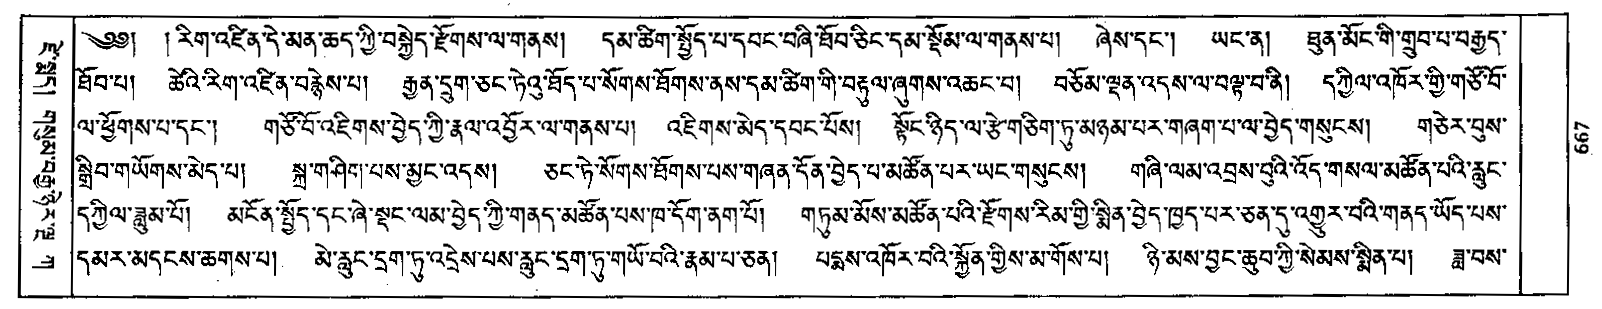༄༅། །རིག་འཛིན་དེ་མན་ཆད་ཀྱི་བསྐྱེད་རྫོགས་ལ་གནས། དམ་ཚིག་སྤྱོད་པ་དབང་བཞི་ཐོབ་ཅིང་དམ་སྡོམ་ལ་གནས་པ། ཞེས་དང་། ཡང་ན། ཐུན་མོང་གི་གྲུབ་པ་བརྒྱད་
ཐོབ་པ། ཚེའི་རིག་འཛིན་བརྙེས་པ། རྒྱན་དྲུག་ཅང་ཏེའུ་ཐོད་པ་སོགས་ཐོགས་ནས་དམ་ཚིག་གི་བརྟུལ་ཞུགས་འཆང་བ། བཅོམ་ལྡན་འདས་ལ་བལྟ་བ་ནི། དཀྱིལ་འཁོར་གྱི་གཙོ་བོ་
ལ་ཕྱོགས་པ་དང་། གཙོ་བོ་འཇིགས་བྱེད་ཀྱི་རྣལ་འབྱོར་ལ་གནས་པ། འཇིགས་མེད་དབང་པོས། སྟོང་ཉིད་ལ་རྩེ་གཅིག་ཏུ་མཉམ་པར་གཞག་པ་ལ་བྱེད་གསུངས། གཅེར་བུས་
སྒྲིབ་གཡོགས་མེད་པ། སྐྲ་གཤིག་པས་མྱང་འདས། ཅང་ཏེ་སོགས་ཐོགས་པས་གཞན་དོན་བྱེད་པ་མཚོན་པར་ཡང་གསུངས། གཞི་ལམ་འབྲས་བུའི་འོད་གསལ་མཚོན་པའི་རླུང་
དཀྱིལ་ཟླུམ་པོ། མངོན་སྤྱོད་དང་ཞེ་སྡང་ལམ་བྱེད་ཀྱི་གནད་མཚོན་པས་ཁ་དོག་ནག་པོ། གཏུམ་མོས་མཚོན་པའི་རྫོགས་རིམ་གྱི་སྨིན་བྱེད་ཁྱད་པར་ཅན་དུ་འགྱུར་བའི་གནད་ཡོད་པས་
དམར་མདངས་ཆགས་པ། མེ་རླུངས་དྲག་ཏུ་འདྲེས་པས་རླུང་དྲག་ཏུ་གཡོ་བའི་རྣམ་པ་ཅན། པདམས་འཁོར་བའི་སྐྱོན་གྱིས་མ་གོས་པ། ཉི་མས་བྱང་ཆུབ་ཀྱི་སེམས་སྨིན་པ། ཟླ་བས་